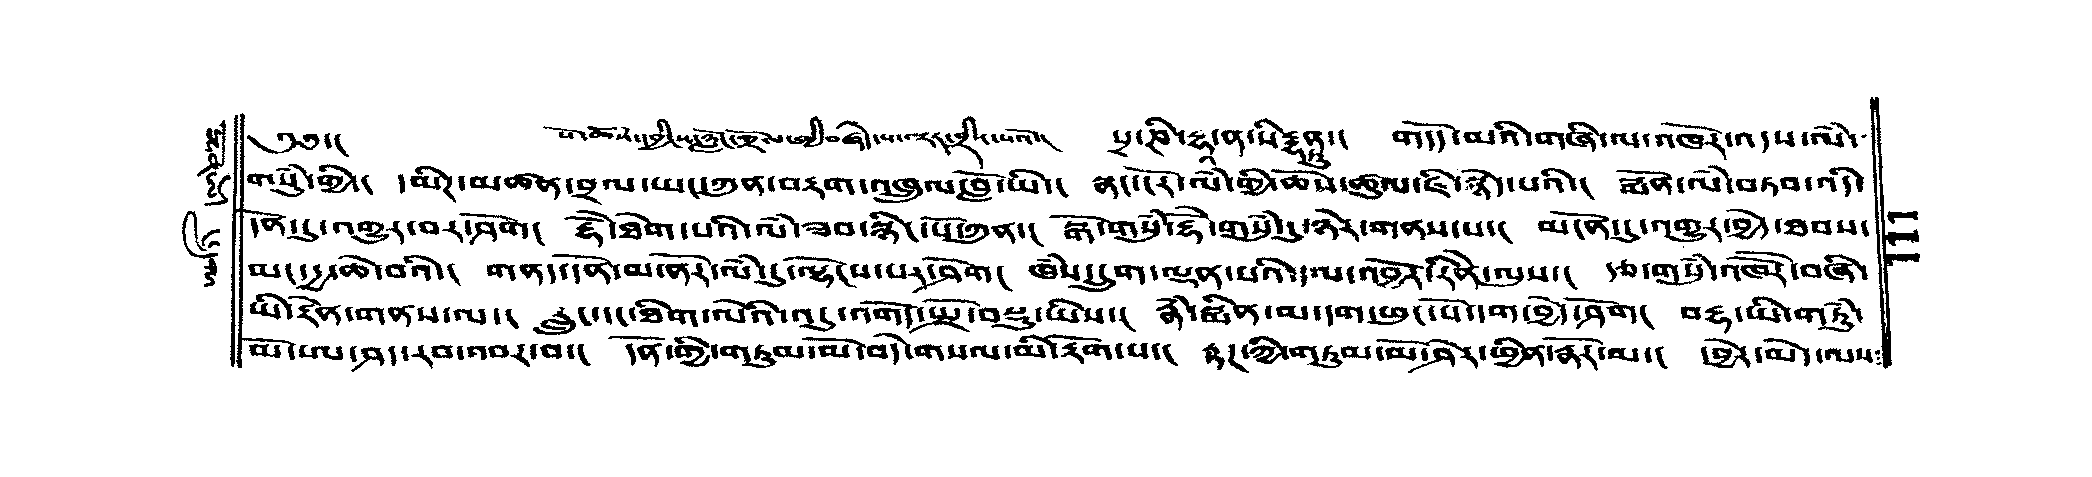པོ་ཆོས་དབྱིངས་ཀློང་གྲོལ་གྱི་བཞེད་པ་ལྟར་བྲིས་པའོ།། པྲ་ཎི་དྷཱ་ན་སིདྡྷནྟུ། གདོད་མའི་གཞི་ལ་འཁོར་འདས་ལམ་
གསུམ་གྱི། །དམིགས་མཚན་བྲལ་ཡང་ཀུན་བརྟགས་འཁྲུལ་བློ་ཡི། །སྣང་ངོར་ལམ་གྱི་ཆོས་ཚུལ་ཇི་སྙེད་པའི། །སྨོན་ལམ་བཏབ་འདི་
དོན་དུ་འགྱུར་བར་ཤོག །རྡོ་རྗེ་ཐེག་པའི་ལམ་ཟབ་སྙིང་པོ་ཀུན། །སྒོ་གསུམ་རྡོ་རྗེ་གསུམ་དུ་ཉེར་གནས་པ། །མངོན་དུ་འགྱུར་བྱེད་ཐབས་
མང་རྒྱ་ཆེ་བའི། །གནད་དོན་མ་ནོར་ལམ་དུ་ལྷོངས་པར་ཤོག །ཁམས་དྲུག་ལྡན་པའི་དལ་འབྱོར་རིན་ཆེན་ལུས། །རྩ་གསུམ་འཁོར་ལོ་བཞི་
ཡི་རྟེན་གནས་ལ། །རླུང་དང་ཐིག་ལེའི་འདུ་འགོད་སྤྲོ་བསྡུ་ཡིས། །རྣམ་སྨིན་མ་དག་ཕུང་པོ་དག་བྱེད་ཤོག །བརྡ་ཡི་གཏུམ་
མོ་ཨ་ཤད་རབ་འབར་བ། །དོན་གྱི་གཏུམ་མོ་བདེ་གསལ་མི་རྟོག་པ། །རྟགས་ཀྱི་གཏུམ་མོ་ཤེར་ཕྱིན་རྣལ་འབྱོར་མ། །དབྱེར་མེད་ལས་